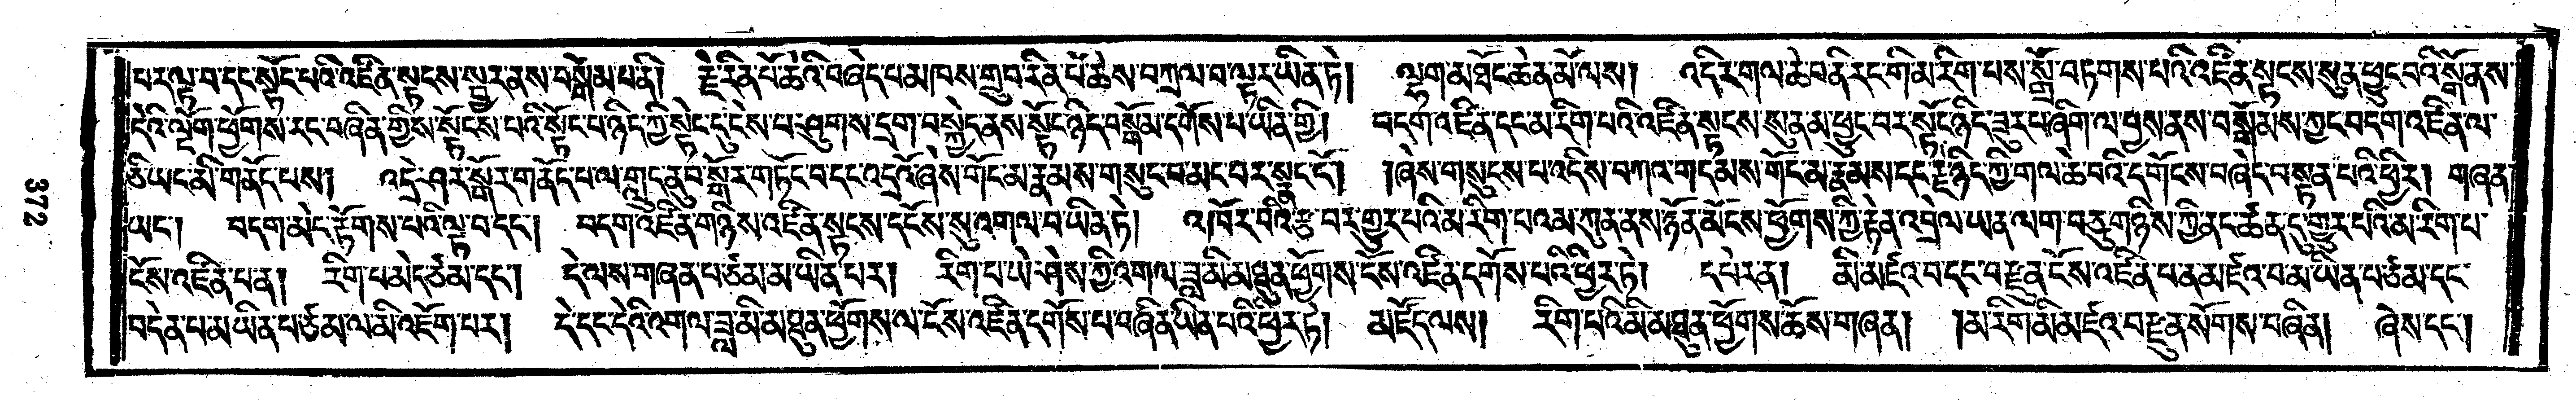པར་ལྟ་བ་དང་སྟོང་པའི་འཛིན་སྟངས་སྦྱར་ནས་བསྒོམ་པ་ནི། རྗེ་རིན་པོ་ཆེའི་བཞེད་པ་མཁས་གྲུབ་རིན་པོ་ཆེས་བཀྲལ་བ་ལྟར་ཡིན་ཏེ། ལྷག་མཐོང་ཆེན་མོ་ལས། འདིར་གལ་ཆེ་བ་ནི་རང་གི་མ་རིག་པས་སྒོར་བཏགས་པའི་འཛིན་སྟངས་སུན་ཕྱུང་བའི་སྒོ་ནས་
དེའི་ལྡོག་ཕྱོགས་རང་བཞིན་གྱིས་སྟོངས་པའི་སྟོང་པ་ཉིད་ཀྱི་སྟེང་དུ་ངེས་པ་ཤུགས་དྲག་བསྐྱེད་ནས་སྟོང་ཉིད་བསྒོམ་དགོས་པ་ཡིན་གྱི། བདག་འཛིན་དང་མ་རིག་པའི་འཛིན་སྟངས་སུན་མ་ཕྱུང་བར་སྟོང་ཉིད་ཟུར་པ་ཞིག་ལ་བྱས་ནས་བསྒོམས་ཀྱང་བདག་འཛིན་ལ་
ཅི་ཡང་མི་གནོད་པས། འདྲེ་ཤར་སྒོར་གནོད་པ་ལ་གླུད་ནུབ་སྒོར་གཏོང་བ་དང་འདྲའོ་ཞེས་གོང་མ་རྣམས་གསུང་བ་མང་བར་སྣང་ངོ། །ཞེས་གསུངས་པ་འདིས་བཀའ་གདམས་གོང་མ་རྣམས་དང་རྗེ་ཉིད་ཀྱི་གལ་ཆེ་བའི་དགོངས་བཞེད་བསྟན་པའི་ཕྱིར། གཞན་
ཡང་། བདག་མེད་རྟོགས་པའི་ལྟ་བ་དང་། བདག་འཛིན་གཉིས་འཛིན་སྟངས་དངོས་སུ་འགལ་བ་ཡིན་ཏེ། འཁོར་བའི་རྩ་བར་གྱུར་པའི་མ་རིག་པའམ་ཀུན་ནས་ཉོན་མོངས་ཕྱོགས་ཀྱི་རྟེན་འབྲེལ་ཡན་ལག་བཅུ་གཉིས་ཀྱི་ནང་ཚན་དུ་གྱུར་པའི་མ་རིག་པ་
ངོས་འཛིན་པ་ན། རིག་པ་མེད་ཙམ་དང་། དེ་ལས་གཞན་པ་ཙམ་མ་ཡིན་པར། རིག་པ་ཡེ་ཤེས་ཀྱི་འགལ་ཟླ་མི་མཐུན་ཕྱོགས་ངོས་འཛིན་དགོས་པའི་ཕྱིར་ཏེ། དཔེར་ན། མི་མཛའ་བ་དང་བརྫུན་ངོས་འཛིན་པ་ན་མཛའ་བ་མ་ཡིན་པ་ཙམ་དང་
བདེན་པ་མ་ཡིན་པ་ཙམ་ལ་མི་འཇོག་པར། དེ་དང་དེའི་འགལ་ཟླ་མི་མཐུན་ཕྱོགས་ལ་ངོས་འཛིན་དགོས་པ་བཞིན་ཡིན་པའི་ཕྱིར་ཏེ། མཛོད་ལས། རིག་པའི་མི་མཐུན་ཕྱོགས་ཆོས་གཞན། །མ་རིག་མི་མཛའ་བརྫུན་སོགས་བཞིན། ཞེས་དང་།